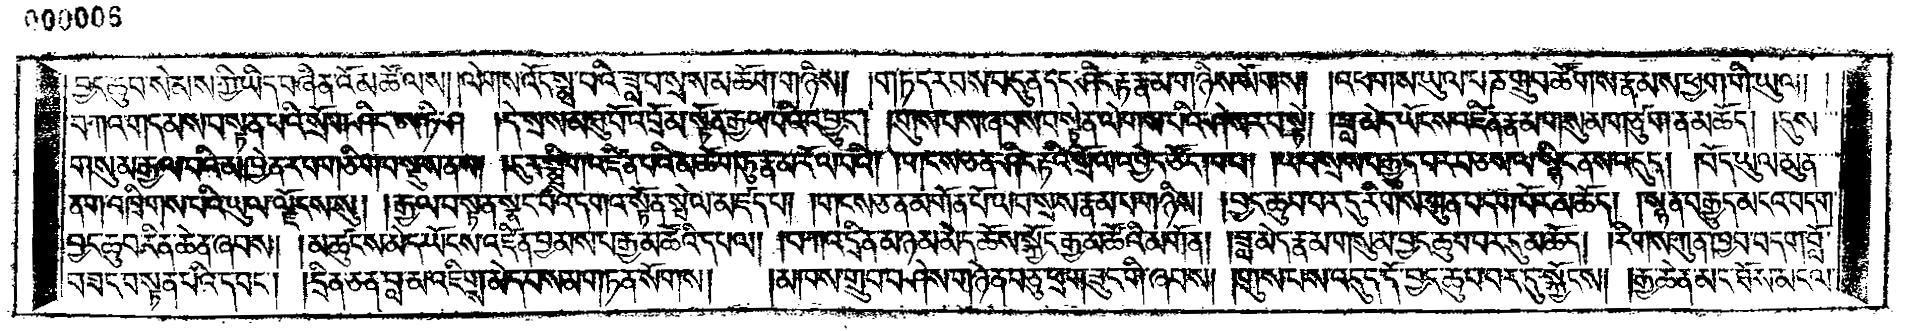བྱང་ཆུབ་སེམས་ཀྱི་ཡིད་བཞིན་འོ་མཚོ་ལས། །ལེགས་འོང་སྨྲ་བའི་ཟླ་བ་སྲས་མཆོག་གཉིས། །གཏད་རབས་བདུན་དང་ཤིང་རྟ་རྣམ་གཉིས་སོགས། །འཕགས་ཡུལ་པཎ་གྲུབ་ཚོགས་རྣམས་ཕྱག་གི་ཡུལ། །
བཀའ་གདམས་བསྟན་པའི་སྲོག་ཤིང་ཨ་ཏི་ཤ་།དེ་སྲས་མཐུ་བོ་འབྲོམ་སྟོན་རྒྱལ་བའི་འབྱུང་། །གུས་པས་ཞབས་བསྟེན་ལེགས་པའི་ཤེས་རབ་སྟེ། །ཟླ་མེད་ཡོངས་འཛིན་རྣམ་གསུམ་གཙུག་ན་མཆོད། །དུས་
གསུམ་རྒྱལ་བའི་མཁྱེན་རབ་གཅིག་བསྡུས་ནས། །དུར་སྨྲིག་འཛིན་པའི་མཆོག་ཏུ་རྣམ་རོལ་བའི། །གངས་ཅན་ཤིང་རྟའི་སྲོལ་འབྱེད་ཙོང་ཁ་པ། །ཡབ་སྲས་བརྒྱུད་པར་བཅས་ལ་སྙིང་ནས་འདུད། །བོད་ཡུལ་མུན་
ནག་འཁྲིགས་པའི་ཡུལ་ལྗོངས་སུ། །རྒྱལ་བསྟན་སྣང་བའི་དགའ་སྟོན་སྤེལ་མཛད་པ། །གངས་ཅན་མགོན་པོ་ཡབ་སྲས་རྣམ་པ་གཉིས། །བྱང་ཆུབ་བར་དུ་རིགས་ཀུན་བདག་པོར་མཆོད། །སྙན་བརྒྱུད་མངའ་བདག་
བྱང་ཆུབ་རིན་ཆེན་ཞབས། །མཚུངས་མེད་ཡོངས་འཛིན་བྱམས་པ་རྒྱ་མཚོའི་དཔལ། །བཀའ་དྲིན་མཉམ་མེད་ཆོས་སྐྱོང་རྒྱ་མཚོའི་མགོན། །ཟླ་མེད་རྣམ་གསུམ་བྱང་ཆུབ་བར་དུ་མཆོད། །རིགས་ཀུན་ཁྱབ་བདག་བློ་
བཟང་བསྟན་པའི་དབང་། །དྲིན་ཅན་བླ་མ་འཇིགས་མེད་བསམ་གཏན་སོགས། །མཁས་གྲུབ་བཤེས་གཉེན་བཅུ་ཕྲག་ཟུང་གི་ཞབས། །གུས་པས་འདུད་དོ་བྱང་ཆུབ་བར་དུ་སྐྱོངས། །རྒྱ་ཆེན་མང་ཐོས་མངལ་